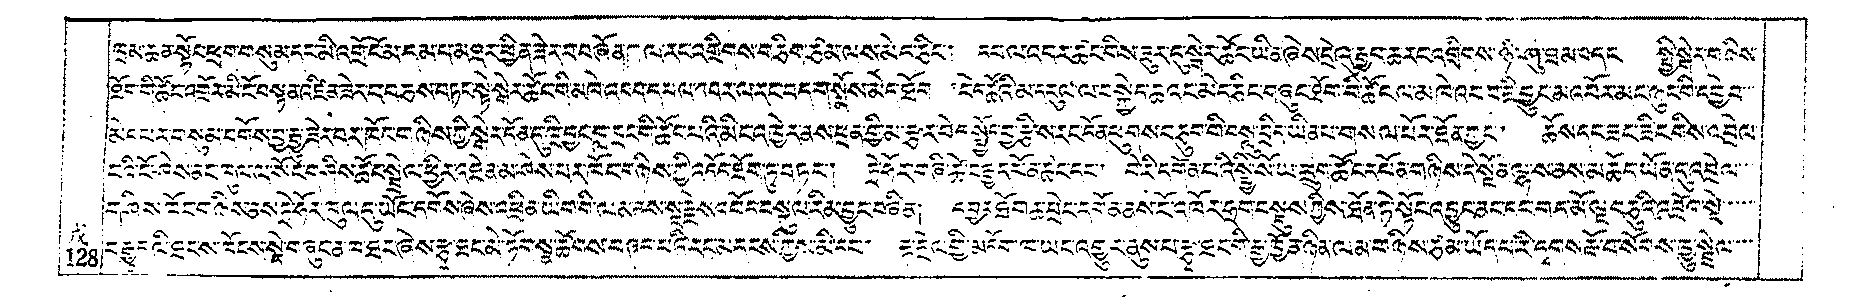ཁྲམ་ཆན་སྟོང་ཕྲག་གསུམ་དང་མི་འགྲོ་ངོ་མ་དམ་པ་མཐར་ཕྱིན་ཟེར་བ་བཞོན་ཁལ་རང་འགྲིགས་གཅིག་ཙམ་ལས་མེད་ཅིང་། དཔལ་འབར་ཚང་གིས་ཟུར་དུ་སྒེར་ཚོང་ཡིན་ཞེས་དྲེའུ་རྒྱབ་ཆ་རང་འགྲིགས་ཉི་ཤུ་ཐམ་པ་དང་སྤྱི་སྒེར་གཉིས་
ཐོག་གི་ཚོང་འགྲོར་མི་ངོ་བསྟན་འཛིན་ཟེར་བ་བཅས་བཏང་སྟེ་སྒེར་ཚོང་གི་མཁེ་འབབ་དཔལ་འབར་ལ་རང་བདག་སྨོས་མེད་ཐོག །ངེད་ཚོའི་མ་དངུལ་ལ་བསྐྱེད་ཆའང་མེད་ཅིང་གཞུང་ཐོག་གི་ཚོང་ལ་མཁེ་འབབ་ཇི་བྱུང་མ་འབོར་མང་ཉུང་གི་དབྱེ་བ་
མེད་པར་གསུམ་བགོས་བྱ་རྒྱུ་ཟེར་བར་ཁོང་གཉིས་ཀྱི་སྒེར་དོན་དུ་ཁྲི་བྱང་བླ་བྲང་གི་ཚོང་པའི་མིང་འཁྱེར་ནས་ཕྲན་གྱི་མ་རྩར་བེད་སྤྱོད་བྱ་རྩིས་རང་དོན་ཕུགས་བཅུག་གི་བསླུ་བྲིད་ཡིན་པ་གསལ་པོར་ཐོན་ཀྱང་། ཆོས་དང་ཟང་ཟིང་གིས་འབྲེལ་
བའི་ངོ་ཤེས་ནང་ཁུལ་ལ་སོང་གཤིས་ཚོང་སྦྲེལ་ཕྱིར་འཐེན་མ་ཤེས་པར་ཁོང་གཉིས་ཀྱི་འདོད་ཐོག་ཏུ་བཏང་། ཏྲེ་ཧོར་གཞི་ཚེ་བརྒྱ་དཔོན་ཚང་དང་། བེ་རི་དགོན་པའི་སྤྱི་སོ་ཡ་ཕྲུག་ཚོང་དཔོན་གཉིས་དེ་སྔོན་ལྷ་ས་ནས་མཆོད་ཡོན་དུ་འབྲེལ་
གཤིས་ཁོང་གཉིས་ནས་ཏྲེ་ཧོར་ཁུལ་དུ་ཡོང་དགོས་ཞེས་འཕྲིན་ཡིག་གི་ལམ་ནས་སྔ་རྗེས་འབོད་བསྐུལ་རིམ་བྱུང་བཞིན། དབྱར་ཐོག་ཆ་ཕྲེང་དགོན་ནས་ངོ་འཁོར་ཧྲག་བསྡུས་ཀྱིས་ཐོན་ཏེ་སྟོང་འབྱུང་ནང་དང་གད་མོ་ལྔ་བཅུའི་འབྲོག་སྡེ་
བརྒྱུད་ལི་ཐང་ས་ཁོངས་སྡེ་གཞུང་ན་ཁ་ཐང་ཞེས་རྩྭ་ཐང་མེ་ཏོག་སྣ་ཚོགས་བཞད་པའི་རང་མདངས་ཀྱིས་མི་དང་། རྟ་དྲེལ་གྱི་མདོག་ཁ་ཡང་འགྱུར་ནུས་པ་རྩྭ་ཐང་གི་རྒྱ་ཁྱོན་ཉིན་ལམ་གཉིས་ཙམ་ཡོད་པ་རི་དྭགས་རྒོ་བ་སོགས་ཁྱུ་སྦྲེལ་